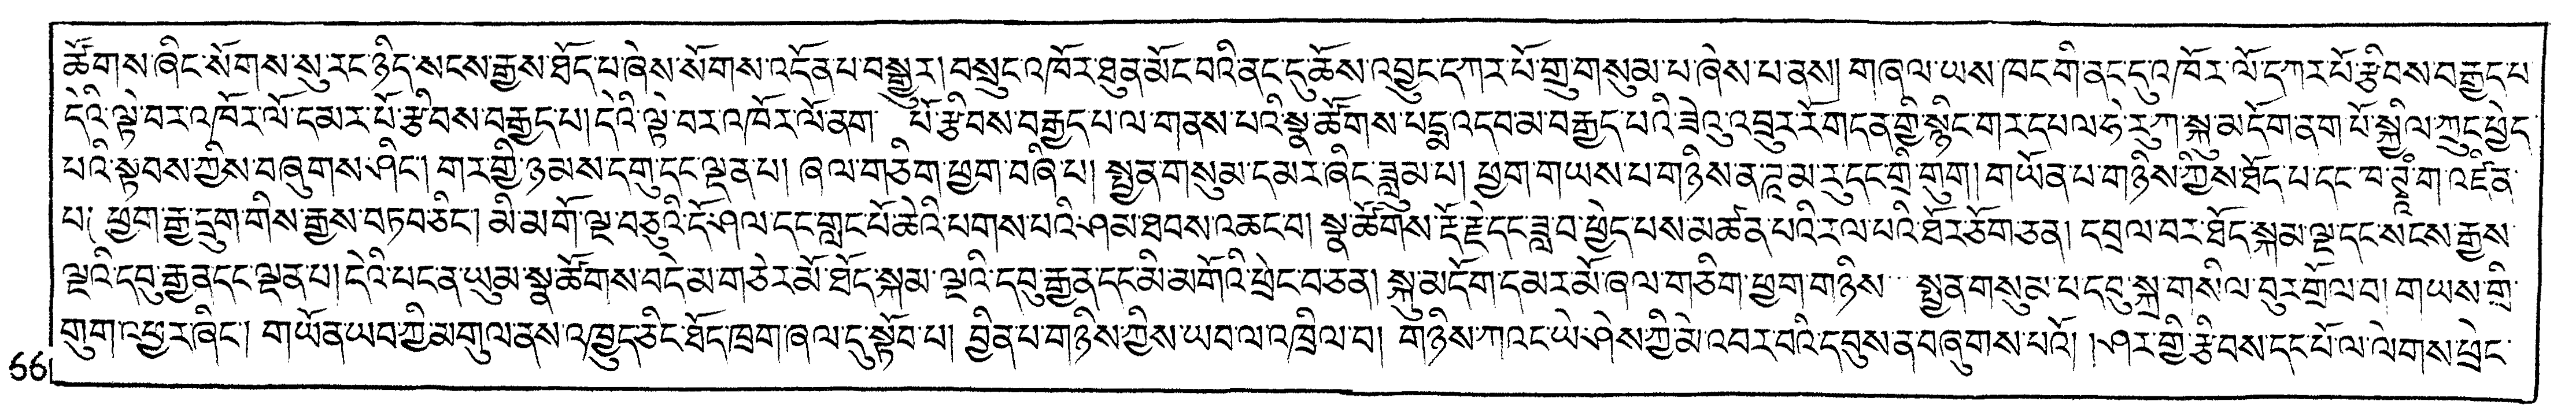ཚོགས་ཞིང་སོགས་སུ་རང་ཉིད་སངས་རྒྱས་ཐོད་པ་ཞེས་སོགས་འདོན་པ་བསྒྱུར། བསྲུང་འཁོར་ཐུན་མོང་བའི་ནང་དུ་ཆོས་འབྱུང་དཀར་པོ་གྲུ་གསུམ་པ་ཞེས་པ་ནས། གཞལ་ཡས་ཁང་གི་ནང་དུ་འཁོར་ལོ་དཀར་པོ་རྩིབས་བརྒྱད་པ་
དེའི་ལྟེ་བར་འཁོར་ལོ་དམར་པོ་རྩིབས་བརྒྱད་པ། དེའི་ལྟེ་བར་འཁོར་ལོ་ནག་པོ་རྩིབས་བརྒྱད་པ་ལ་གནས་པའི་སྣ་ཚོགས་པདམ་འདབ་མ་བརྒྱད་པའི་ཟེའུ་འབྲུར་རོ་གདན་གྱི་སྙིང་གར་དཔལ་ཧེ་རུ་ཀ་སྐུ་མདོག་ནག་པོ་སྐྱིལ་ཀྲུང་ཕྱེད་
པའི་སྟབས་ཀྱིས་བཞུགས་ཤིང་། གར་གྱི་ཉམས་དགུ་དང་ལྡན་པ། ཞལ་གཅིག་ཕྱག་བཞི་པ། སྤྱན་གསུམ་དམར་ཞིང་ཟླུམ་པ། ཕྱག་གཡས་པ་གཉིས་ན་ཌཱ་མ་རུ་དང་གྲི་གུག །གཡོན་པ་གཉིས་ཀྱིས་ཐོད་པ་དང་ཁ་ཊྭཱཾ་ག་འཛིན་
པ། ཕྱག་རྒྱ་དྲུག་གིས་རྒྱས་བཏབ་ཅིང་། མི་མགོ་ལྔ་བཅུའི་དོ་ཤལ་དང་གླང་པོ་ཆེའི་པགས་པའི་ཤམ་ཐབས་འཆང་བ། སྣ་ཚོགས་རྡོ་རྗེ་དང་ཟླ་བ་ཕྱེད་པས་མཚན་པའི་རལ་པའི་ཐོར་ཅོག་ཅན། དབྲལ་བར་ཐོད་སྐམ་ལྔ་དང་སངས་རྒྱས་
ལྔའི་དབུ་རྒྱན་དང་ལྡན་པ། དེའི་པང་ན་ཡུམ་སྣ་ཚོགས་བདེ་མ་གཅེར་མོ་ཐོད་སྐམ་ལྔའི་དབུ་རྒྱན་དང་མི་མགོའི་ཕྲེང་བ་ཅན། སྐུ་མདོག་དམར་མོ་ཞལ་གཅིག་ཕྱག་གཉིས་སྤྱན་གསུམ་པ་དབུ་སྐྲ་གསིལ་བུར་གྲོལ་བ། གཡས་གྲི་
གུག་འཕྱར་ཞིང་། གཡོན་ཡབ་ཀྱི་མགུལ་ནས་འཁྱུད་ཅིང་ཐོད་ཁྲག་ཞལ་དུ་སྟོབ་པ། བྱིན་པ་གཉིས་ཀྱིས་ཡབ་ལ་འཁྲིལ་བ། གཉིས་ཀའང་ཡེ་ཤེས་ཀྱི་མེ་འབར་བའི་དབུས་ན་བཞུགས་པའོ། །ཤར་གྱི་རྩིབས་དང་པོ་ལ་ལེགས་ཕྲེང་